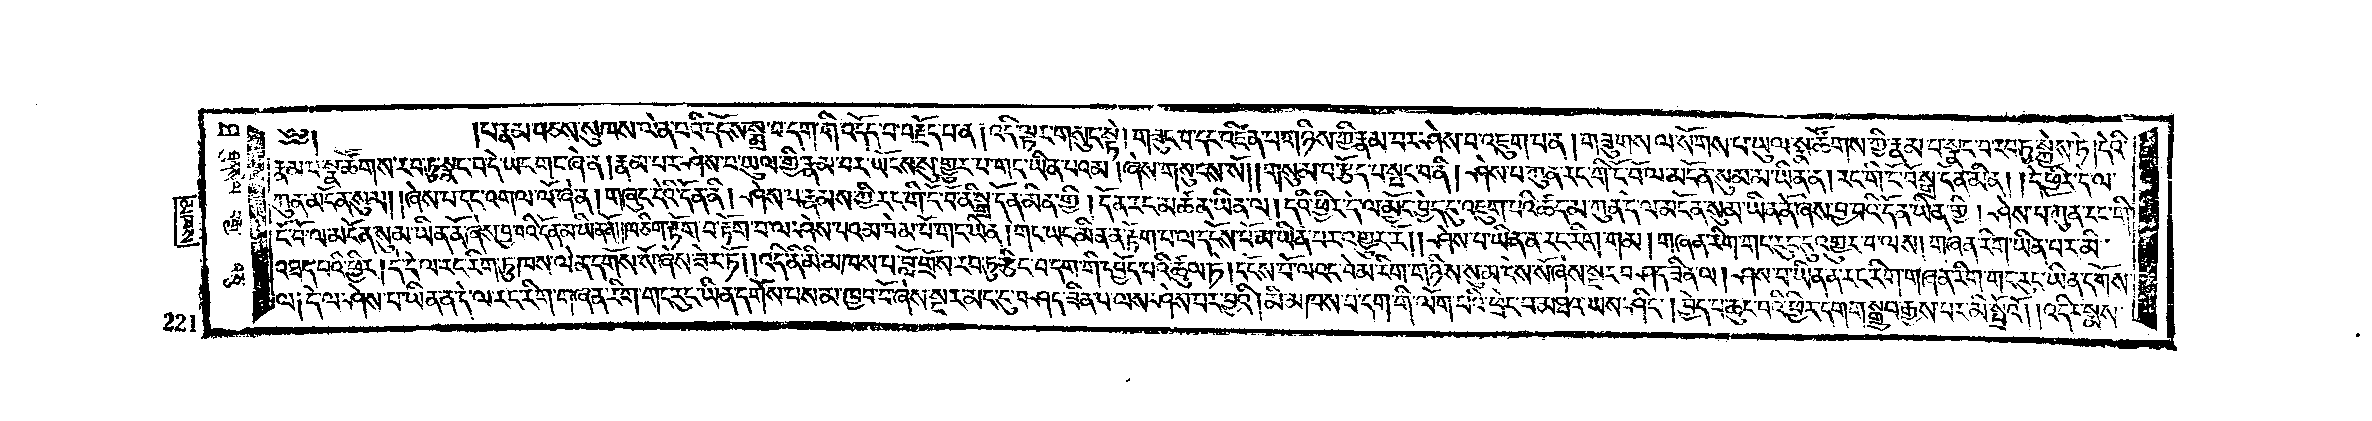༄༅། །པ་རྣམ་བཅས་སུ་ཁས་ལེན་པའི་དངོས་སྨྲ་བ་དག་གི་འདོད་པ་བརྗོད་པ་ན། འདི་ལྟར་གསུངས་སྟེ། གཟུང་བ་དང་འཛིན་པ་གཉིས་ཀྱི་རྣམ་པར་ཤེས་པ་འཇུག་པ་ན། གཟུགས་ལ་སོགས་པ་ཡུལ་སྣ་ཚོགས་ཀྱི་རྣམ་པ་སྣང་བ་རབ་ཏུ་སྐྱེས་ཏེ། དེའི་
རྣམ་པ་སྣ་ཚོགས་རབ་ཏུ་སྣང་བ་དེ་ཡང་གང་ཞེ་ན། རྣམ་པར་ཤེས་པ་ཡུལ་གྱི་རྣམ་པར་ཡོངས་སུ་གྱུར་པ་གང་ཡིན་པའམ། ཞེས་གསུངས་སོ། །གསུམ་པ་རྩོད་པ་སྤང་བ་ནི། ཤེས་པ་ཀུན་རང་གི་ངོ་བོ་ལ་མངོན་སུམ་མ་ཡིན་ན། རང་གི་ངོ་བོ་སྒྲོ་དོན་མིན། །དེ་ཕྱིར་དེ་ལ་
ཀུན་མངོན་སུམ། །ཞེས་པ་དང་འགལ་ལོ་ཞེ་ན། གཞུང་དེའི་དོན་ནི། ཤེས་པ་རྣམས་ཀྱི་རང་གི་ངོ་བོ་ནི་སྒྲ་དོན་མིན་གྱི། དོན་རང་མཚན་ཡིན་ལ། དེའི་ཕྱིར་དེ་ལ་མྱོང་བྱེད་དུ་འཇུག་པའི་ཚད་མ་ཀུན་དེ་ལ་མངོན་སུམ་ཡིན་ནོ་ཞེས་བྱ་བའི་དོན་ཡིན་གྱི། ཤེས་པ་ཀུན་རང་གི་
ངོ་བོ་ལ་མངོན་སུམ་ཡིན་ནོ་ཞེས་བྱ་བའི་དོན་མ་ཡིན་ནོ། །ཁ་ཅིག་རྟོག་པ་རྟོག་པ་ལ་ཤེས་པའམ་བེམ་པོ་གང་ཡིན། གང་ཡང་མིན་ན་རྟོག་པ་ལ་དངོས་པོ་མ་ཡིན་པར་འགྱུར་རོ། །ཤེས་པ་ཡིན་ན་རང་རིག་གམ། གཞན་རིག་གང་རུང་དུ་འགྱུར་བ་ལས། གཞན་རིག་ཡིན་པར་མི་
འཐད་པའི་ཕྱིར། དེ་དེ་ལ་རང་རིག་ཏུ་ཁས་ལེན་དགོས་སོ་ཞེས་ཟེར་ཏོ། །འདི་ནི་མི་མཁས་པ་བློ་གྲོས་རབ་ཏུ་ཅིང་?་བ་དག་གི་དཔྱོད་པའི་ཚུལ་ཏེ། དངོས་པོ་ལའང་བེམ་རིག་གཉིས་སུ་མ་ངེས་སོ་ཞེས་སྔར་བཤད་ཟིན་ལ། ཤེས་པ་ཡིན་ན་རང་རིག་གཞན་རིག་གང་རུང་ཡིན་དགོས་
ལ༑ དེ་ལ་ཤེས་པ་ཡིན་ན་དེ་ལ་རང་རིག་གཞན་རིག་གང་རུང་ཡིན་དགོས་པས་མ་ཁྱབ་པོ་ཞེས་སྔར་མང་དུ་བཤད་ཟིན་པ་ལས་ཤེས་པར་བྱའོ། །མི་མཁས་པ་དག་གི་ལོག་པའི་ཕྲེང་བ་མཐའ་ཡས་ཤིང་། བྱེད་པ་ཆུང་བའི་ཕྱིར་དགག་སྒྲུབ་རྒྱས་པར་མི་སྤྲོ་འོ། ?་།འདིར་སྨྲས་